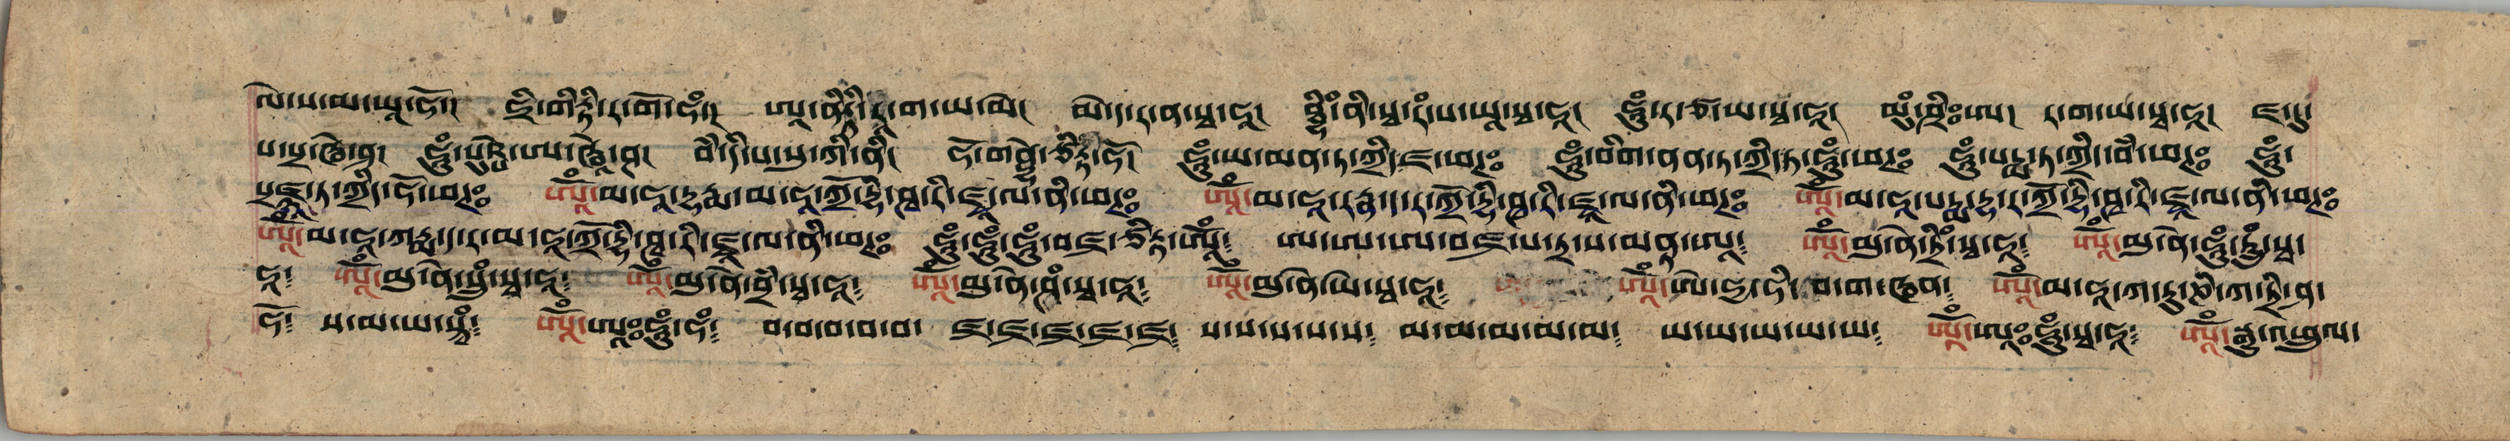ལེ་ས་མ་ཡཱ་ཧོ་། ཧྲི་གིརྟི་ར་ག་ཧཾ་། ཨཱ་ནིརྟི་ར་ག་ཡ་མེ། མེ་ད་ར་ན་སྭ་ཧཱ། ཐྦྷིཾ་ནི་སྭ་རཾ་ས་ཡ་སྭ་ཧཱ། ཧཱུཾ་ར་ཙ་ཡ་སྭ་ཧཱ། མུཾ་ཤྲིཿཨ། ར་ག་ཡ་སྭ་ཧཱ། ཛ་དུ་
པ་སྲ་ཝེ་ཤ། ཧཱུཾ་པུཥྤེ་ཨ་ཝཱེ་ཤ། བཾ་དི་པ་སུ་ཀི་ནི་། ཧོ་གནྡྷེ་ཙིཏྟ་ཧོ། ཧཱུཾ་ཡ་མན་ཏ་ཀྲིད་ཛ་ཕཊཿ ཧཱུཾ་བིག་ནན་ཏ་ཀྲིད་ཏ་ཧཱུཾ་ཕཊཿ ཧཱུཾ་པདྨ་ཏ་ཀྲིད་བཾ་ཕཊཿ ཧཱུཾ་
སྲཛྙཱ་ཏ་ཀྲིད་ཧོ་ཕཊཿ ཨཱོཾ་མ་ཧཱ་དྷརྨ་མ་ཧཱ་ཀྲོ་དྷི་ཤྭ་རི་ཛྭཱ་ལ་ནི་ཕཊཿ ཨཱོཾ་མ་ཧཱ་རཏྣ་ད་ར་ཀྲོ་དྷི་ཤྭ་རི་ཛྭཱ་ལ་ནི་ཕཊཿ ཨཱོཾ་མ་ཧཱ་པདྨ་དྷ་ར་ཀྲོ་དྷི་ཤྭ་རི་ཛྭཱ་ལ་ནི་ཕཊཿ
ཨཱོཾ་མ་ཧཱ་ཀརྨ་ད་ར་མ་ཧཱ་ཀྲོ་དྷི་ཤྭ་རི་ཛྭཱ་ལ་ནི་ཕཊཿ ཧཱུཾ་ཧཱུཾ་ཧཱུཾ་བཛྲ་ཙིཏྟ་ཨཱོཾ༴ ཨ་ཨ་ཨ་བཛྲ་པ་ཏྲ་ས་མནྟ་ཨཱ༴ ཨཱོཾ་མུ་ནེ་ཏྲིཾ་སྭ་ཧཱ་ ཨཱོཾ་མུ་ནེ་ཧཱུཾ་དཏྲུཾ་སྭ་
ཧཱ༴ ཨཱོཾ་མུ་ནེ་སྲུཾ་སྭ་ཧཱ༴ ཨཱོཾ་མུ་ནེ་བྲཾ་སྭ་ཧཱ༴ ཨཱོཾ་མུ་ནེ་ཤཾ་སྭ་ཧཱ༴ ཨཱོཾ་མུ་ནེ་ཡེ་སྭ་ཧཱ༴ ཨཱོཾ་ཨེ་ཧྱ་ཧི་བ་ག་ཝན༴ ཨཱོཾ་མ་ཧཱ་ཀ་རུ་ཎི་ཀ་ཏྲི་ཤ་
ཧོ༴ ས་མ་ཡ་སྟྭཾ༴ ཨཱོཾ་ཨཱཿཧཱུཾ་ཧཾ༴ བ་བ་བ་བ་བ་ ཛྲ་ཛྲ་ཛྲ་ཛྲ་ཛྲ༴ ས་ས་ས་ས་ས༴ མ་མ་མ་མ་མ༴ ཡ་ཡ་ཡ་ཡ་ཡ༴ ཨཱོཾ་ཨཱཿཧཱུཾ་སྭ་ཧཱ༴ ཨཱོཾ་སྒྱུ་འཕྲུལ་